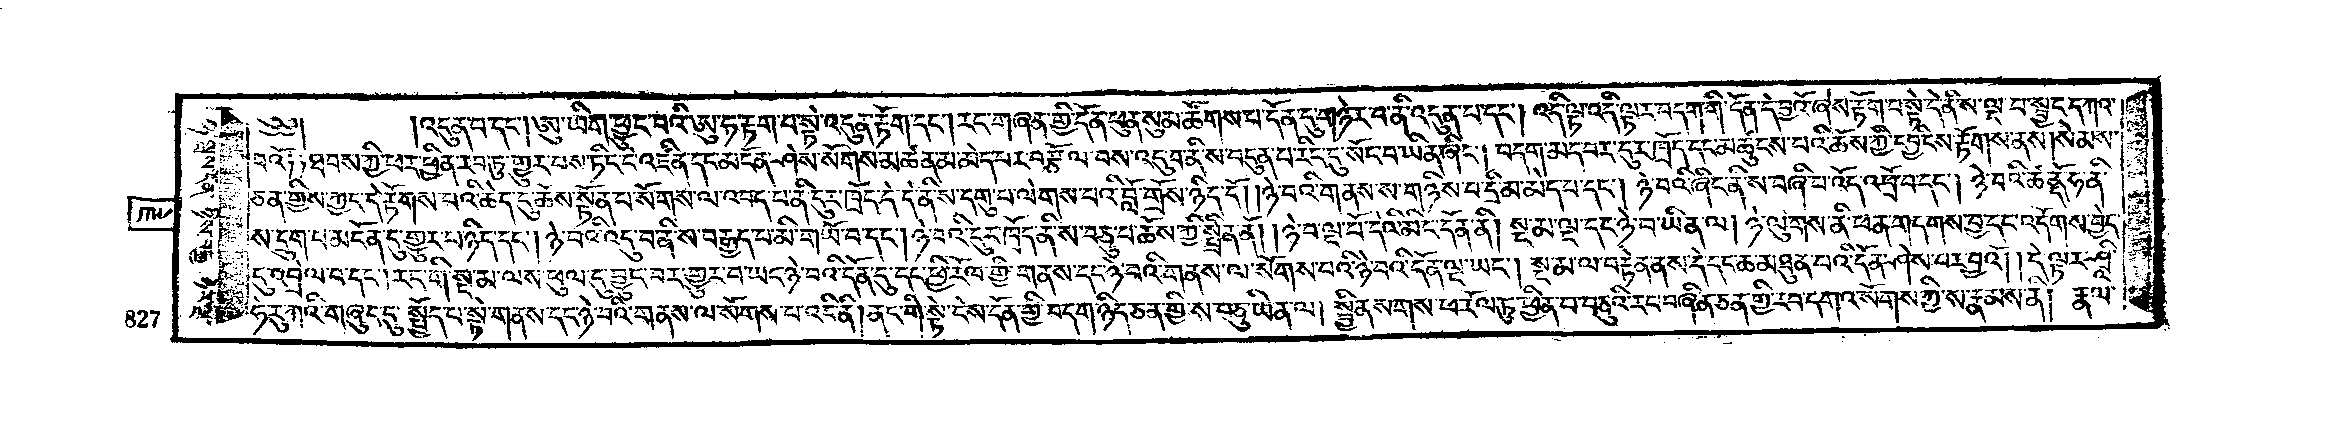༄༅། །འདུན་པ་དང་། ཨུ་ཡིག་ཕྱུང་བའི་ཨུ་ཧ་རྟག་པ་སྟེ་འདུན་རྟོག་དང་། རང་གཞན་གྱི་དོན་ཕུན་སུམ་ཚོགས་པ་དོན་དུ་གཉེར་བ་ནི་འདུན་པ་དང་། འདི་ལྟ་འདི་ལྟར་བདག་གི་དོན་དེ་བྱའོ་ཞེས་རྟོག་པ་སྟེ་དེ་ནི་ས་ལྔ་པ་སྦྱང་དཀའ་
བའོ། །ཐབས་ཀྱི་ཕར་ཕྱིན་རབ་ཏུ་གྱུར་པས་ཏིང་ངེ་འཛིན་དང་མངོན་ཤེས་སོགས་མཚན་མ་མེད་པར་བརྩོལ་བས་འདུ་བ་ནི་ས་བདུན་པ་རིང་དུ་སོང་བ་ཡིན་ཞིང་། བདག་མེད་བར་དུར་ཁྲོད་དང་མཚུངས་པའི་ཆོས་ཀྱི་དབྱིངས་རྟོགས་ནས། སེམས་
ཅན་གྱིས་ཀྱང་དེ་རྟོགས་པའི་ཆེད་དུ་ཆོས་སྟོན་པ་སོགས་ལ་འབད་པ་ནི་དུར་ཁྲོད་དེ་དེ་ནི་ས་དགུ་པ་ལེགས་པའི་བློ་གྲོས་ཉིད་དོ། །ཉེ་བའི་གནས་ས་གཉིས་པ་དྲི་མ་མེད་པ་དང་། ཉེ་བའི་ཞིང་ནི་ས་བཞི་པ་འོད་འཕྲོ་བ་དང་། ཉེ་བའི་ཚནྡོ་ཧ་ནི་
ས་དྲུག་པ་མངོན་དུ་གྱུར་པ་ཉིད་དང་། ཉེ་བའི་འདུ་བ་ནི་ས་བརྒྱད་པ་མི་གཡོ་བ་དང་། ཉེ་བའི་དུར་ཁྲོད་ནི་ས་བཅུ་པ་ཆོས་ཀྱི་སྤྲིན་ནོ། །ཉེ་བ་ལྔ་པོ་དེའི་མིང་དོན་ནི། སྔ་མ་ལྔ་དང་ཉེ་བ་ཡིན་ལ། ཉེ་ལུགས་ནི་ཕན་གདགས་བྱ་དང་འདོགས་བྱེད་
དུ་འབྲེལ་བ་དང་། རང་གི་སྔ་མ་ལས་ཕུལ་དུ་བྱུང་བར་གྱུར་བ་ཡང་ཉེ་བའི་དོན་དུ་དང་ཕྱི་རོལ་གྱི་གནས་དང་ཉེ་བའི་གནས་ལ་སོགས་པའི་ཉེ་བའི་དོན་ལྔ་ཡང་། སྔ་མ་ལ་བརྟེན་ནས་དེ་དང་ཆ་མཐུན་པའི་དོན་ཤེས་པར་བྱའོ། །དེ་ལྟར་ཤྲཱི་
ཧེ་རུ་ཀའི་གཞུང་དུ་སྤྱོད་པ་སྟེ་གནས་དང་ཉེ་བའི་གནས་ལ་སོགས་པ་འདི་ནི། ནང་གི་སྟེ་ངེས་དོན་གྱི་བདག་ཉིད་ཅན་གྱི་ས་བཅུ་ཡིན་ལ། སྦྱིན་སགས་ཕ་རོལ་ཏུ་ཕྱིན་པ་བཅུའི་རང་བཞིན་ཅན་གྱི་རབ་དགའ་སོགས་ཀྱི་ས་རྣམས་ནི། རྣལ་